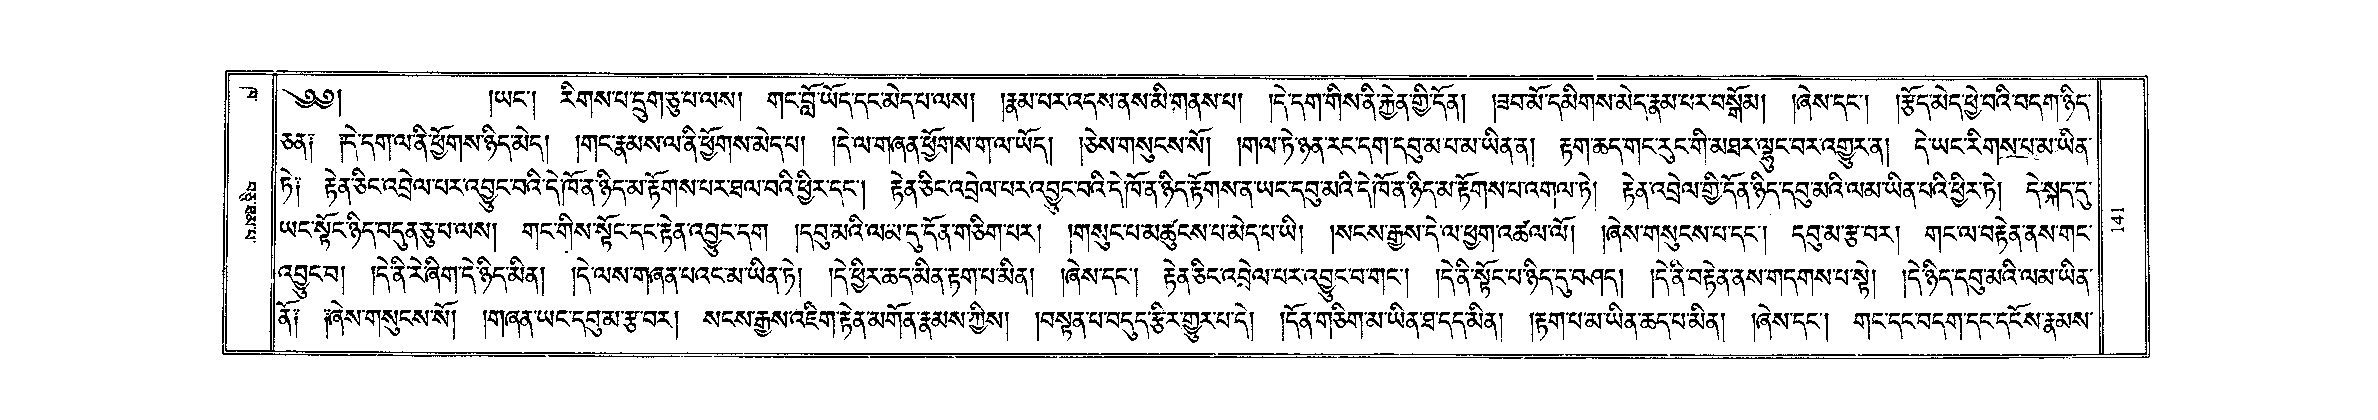༄༅། །ཡང་། རིགས་པ་དྲུག་ཅུ་པ་ལས། གང་བློ་ཡོད་དང་མེད་པ་ལས། །རྣམ་པར་འདས་ནས་མི་གནས་པ། །དེ་དག་གིས་ནི་རྐྱེན་གྱི་དོན། །ཟབ་མོ་དམིགས་མེད་རྣམ་པར་བསྒོམ། །ཞེས་དང་། །རྩོད་མེད་ཕྱེ་བའི་བདག་ཉིད་
ཅན༑ །དེ་དག་ལ་ནི་ཕྱོགས་ཉིད་མེད། །གང་རྣམས་ལ་ནི་ཕྱོགས་མེད་པ། །དེ་ལ་གཞན་ཕྱོགས་ག་ལ་ཡོད། །ཅེས་གསུངས་སོ། །གལ་ཏེ་ཉན་རང་དག་དབུ་མ་པ་མ་ཡིན་ན། རྟག་ཆད་གང་རུང་གི་མཐར་ལྷུང་བར་འགྱུར་ན། དེ་ཡང་རིགས་པ་མ་ཡིན་
ཏེ༑ རྟེན་ཅིང་འབྲེལ་པར་འབྱུང་བའི་དེ་ཁོ་ན་ཉིད་མ་རྟོགས་པར་ཐལ་བའི་ཕྱིར་དང་། རྟེན་ཅིང་འབྲེལ་པར་འབྱུང་བའི་དེ་ཁོ་ན་ཉིད་རྟོགས་ན་ཡང་དབུ་མའི་དེ་ཁོ་ན་ཉིད་མ་རྟོགས་པ་འགལ་ཏེ། རྟེན་འབྲེལ་གྱི་དོན་ཉིད་དབུ་མའི་ལམ་ཡིན་པའི་ཕྱིར་ཏེ། དེ་སྐད་དུ་
ཡང་སྟོང་ཉིད་བདུན་ཅུ་པ་ལས། གང་གིས་སྟོང་དང་རྟེན་འབྱུང་དག །དབུ་མའི་ལམ་དུ་དོན་གཅིག་པར། །གསུང་པ་མཚུངས་པ་མེད་པ་ཡི། །སངས་རྒྱས་དེ་ལ་ཕྱག་འཚལ་ལོ། །ཞེས་གསུངས་པ་དང་། དབུ་མ་རྩ་བར། གང་ལ་བརྟེན་ནས་གང་
འབྱུང་བ། །དེ་ནི་རེ་ཞིག་དེ་ཉིད་མིན། །དེ་ལས་གཞན་པའང་མ་ཡིན་ཏེ། །དེ་ཕྱིར་ཆད་མིན་རྟག་པ་མིན། །ཞེས་དང་། རྟེན་ཅིང་འབྲེལ་པར་འབྱུང་བ་གང་། །དེ་ནི་སྟོང་པ་ཉིད་དུ་བཤད། །དེ་ནི་བརྟེན་ནས་གདགས་པ་སྟེ། །དེ་ཉིད་དབུ་མའི་ལམ་ཡིན་
ནོ༑ ༑ཞེས་གསུངས་སོ། །གཞན་ཡང་དབུ་མ་རྩ་བར། སངས་རྒྱས་འཇིག་རྟེན་མགོན་རྣམས་ཀྱིས། །བསྟན་པ་བདུད་རྩིར་གྱུར་པ་དེ། །དོན་གཅིག་མ་ཡིན་ཐ་དད་མིན། །རྟག་པ་མ་ཡིན་ཆད་པ་མིན། །ཞེས་དང་། གང་དང་བདག་དང་དངོས་རྣམས་